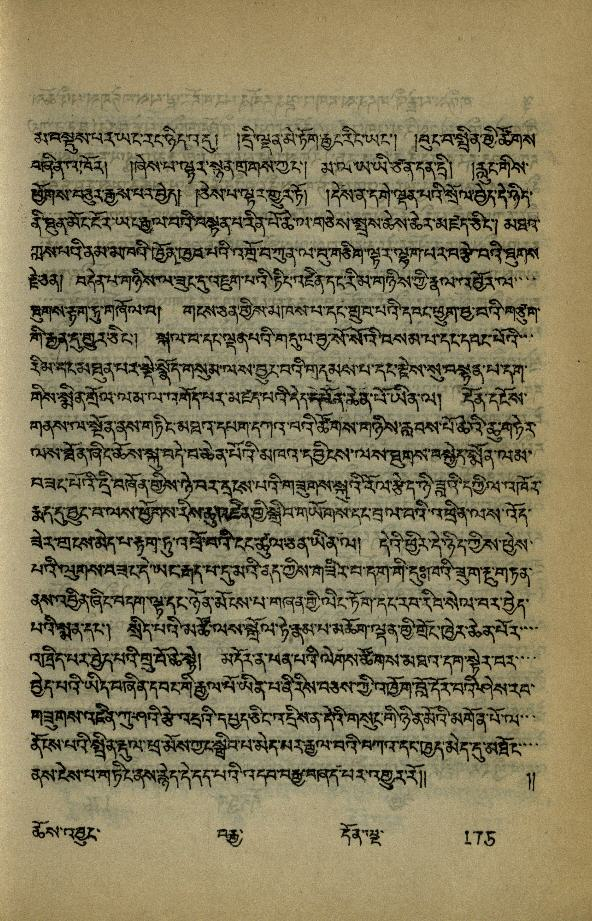མ་བསྡུས་པར་ཡང་རང་ཉིད་འདུ། །དྲི་ལྡན་མེ་ཏོག་རྒྱང་རིང་ཡང་། །བུང་བ་སྤྲིན་གྱི་ཚོགས་
བཞིན་འཁོར། །ཞེས་པ་ལྟར་སྙན་གྲགས་ཀྱང་། མ་ལ་ཡ་ཡི་ཙན་དན་དྲི། །རླུང་གིས་
ཕྱོགས་བཅུར་རྒྱས་པར་བྱེད། །ཅེས་པ་ལྟར་གྱུར་ཏོ། །དེས་ན་དགེ་ལྡན་པའི་སྲོལ་བྱེད་དེ་ཉིད་
ནི་ཐུན་མོང་ངོར་ཡང་རྒྱལ་བའི་བསྟན་པ་རིན་པོ་ཆེ་ལ་གཅེས་སྤྲས་ཆེས་ཆེར་མཛད་ཅིང་། མཐའ་
ཀླས་པའི་ནམ་མཁའི་ཁྱོན་ཁྱབ་པའི་འགྲོ་བ་ཀུན་ལ་བུ་གཅིག་ལྟར་ལྷག་པར་བརྩེ་བའི་ཐུགས་
རྗེ་ཅན། བདེན་པ་གཉིས་ལ་ཟུང་དུ་འཇུག་པའི་ཏིང་འཛིན་དང་རིམ་གཉིས་ཀྱི་རྣལ་འབྱོར་ལ་
ཐུགས་རྟག་ཏུ་གཞོལ་བ། གངས་ཅན་གྱིས་མཁས་པ་དང་གྲུབ་པའི་དབང་ཕྱུག་བྱ་བའི་གཙུག་
གི་རྒྱན་དུ་གྱུར་ཅིང་། སྐལ་བ་དང་ལྡན་པའི་གདུལ་བྱ་སོ་སོའི་བསམ་པ་དང་དབང་པོའི་
རིམ་དང་མཐུན་པར་སྡེ་སྣོད་གསུམ་ལས་བྱུང་བའི་གདམས་པ་དང་རྗེས་སུ་བསྟན་པ་དག་
གིས་སྨིན་གྲོལ་ལམ་ལ་འགོད་པར་མཛད་པའི་དེད་དཔོན་ཆེན་པོ་ཡིན་ལ། དོན་དངོས་
གནས་ལ་སྔོན་ནས་གཏིང་མཐའ་དཔག་དཀའ་བའི་ཚོགས་གཉིས་རླབས་པོ་ཆེའི་ཆུ་གཏེར་
ལས་ཐོན་ཞིང་ཆོས་སྐུ་བདེ་བ་ཆེན་པོའི་མཁའ་དབྱིངས་ལས་ཐུགས་བསྐྱེད་སྨོན་ལམ་
བཟང་པོའི་དྲི་བཞོན་གྱིས་ཉེ་བར་དྲངས་པའི་གཟུགས་སྐུའི་རོལ་རྩེད་ཉི་ཟླའི་དཀྱིལ་འཁོར་
རྨད་དུ་བྱུང་བ་ལས་ཕྱོགས་རིས་ཆུ་འཛིན་གྱི་སྒྲིབ་གཡོགས་དང་བྲལ་བའི་འཕྲིན་ལས་འོད་
ཟེར་གྲངས་མེད་པ་རྟག་ཏུ་འཕྲོ་བའི་ངང་ཚུལ་ཅན་ཡིན་ལ། དེའི་ཕྱིར་དེ་ཉིད་ཀྱིས་ཕྱེས་
པའི་ལུགས་བཟང་དེ་ཡང་རྒད་པ་དུ་མའི་ནད་ཀྱིས་གཟིར་བ་དག་གི་དུཿ ཁའི་ཟུག་རྔུ་གཏན་
ནས་འབྱིན་ཞིང་བདག་ལྟ་དང་ཉོན་མོངས་པ་གཞན་གྱི་ལིང་ཏོག་དང་རབ་རིབ་སེལ་བར་བྱེད་
པའི་སྨན་དང་། སྲིད་པའི་མཚོ་ལས་སྒྲོལ་ཏེ་རྣམ་པ་མཆོག་ལྡན་གྱི་གྲོང་ཁྱེར་ཆེན་པོར་
འཁྲིད་པར་བྱེད་པའི་གྲུ་བོ་ཆེ་སྟེ། མདོར་ན་ཕན་པའི་ལེགས་ཚོགས་མཐའ་དག་སྟེར་བར་
བྱེད་པའི་ཡིད་བཞིན་དབང་གི་རྒྱལ་པོ་ཡིན་པ་ནི་རིས་བཅས་ཀྱི་འཁྱོག་བློ་དོར་བའི་ཤེས་རབ་
གཟུགས་འཛིན་ཀུ་ཤའི་རྩེ་འདྲའི་དཔྱད་ཅིང་འདྲིས་ན་དེའི་གསུང་གི་ཉིན་མོའི་མགོན་པོ་ལ་
ནོངས་པའི་སྤྲིན་རྡུལ་ཕྲ་མོས་ཀྱང་སྒྲིབ་པ་མེད་པར་རྒྱལ་བའི་བཀའ་དང་ཁྱད་མེད་དུ་མཐོང་
ནས་ངེས་པ་གཏིང་ནས་རྙེད་དེ་དད་པའི་འདབ་བརྒྱ་བཞད་པར་འགྱུར་རོ།། །།